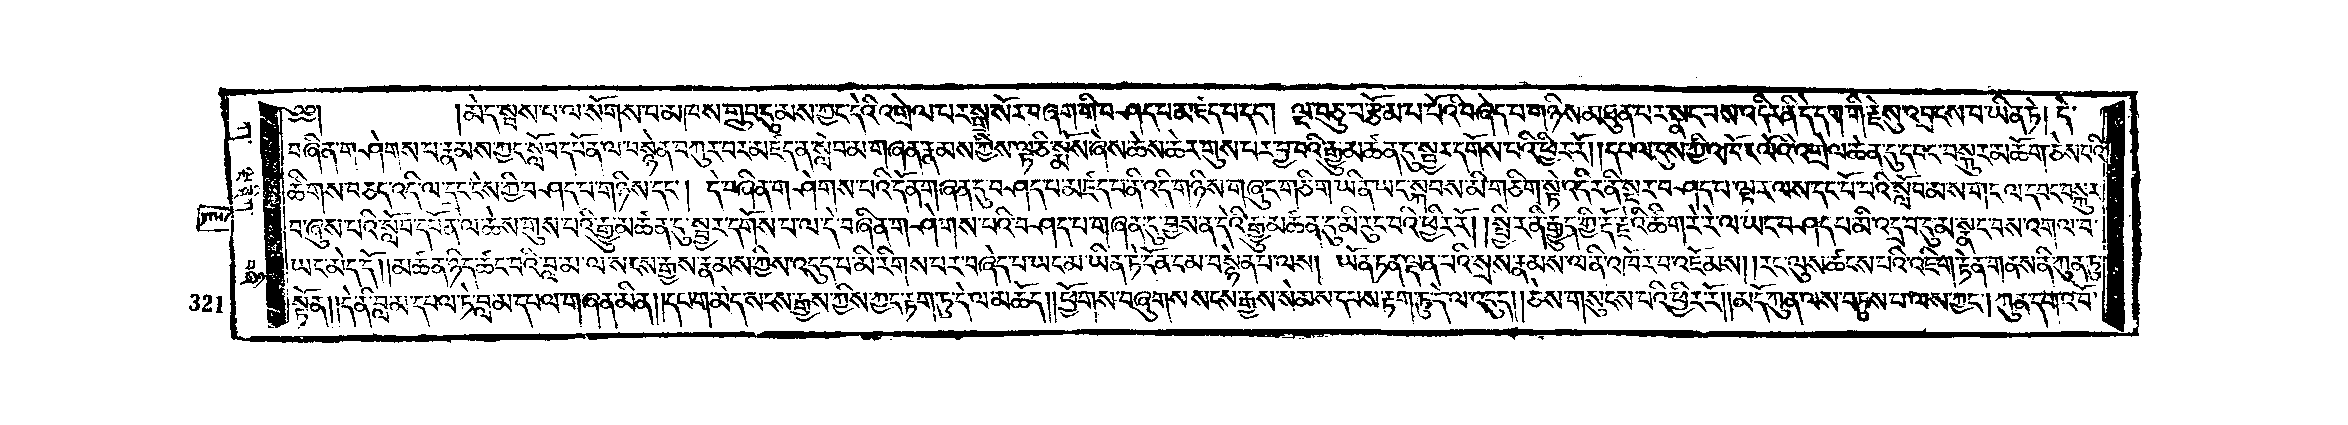༄༅། །མེད་སྦས་པ་ལ་སོགས་པ་མཁས་གྲུབ་དུ་མས་ཀྱང་དེའི་འགྲེལ་པར་སྒྲ་སོར་བཞག་གི་བཤད་པ་མཛད་པ་དང་། ལྔ་བཅུ་བ་རྩོམ་པ་པོའི་བཞེད་པ་གཉིས་མཐུན་པར་སྣང་བས་འདིར་ནི་དེ་དག་གི་རྗེས་སུ་འབྲངས་བ་ཡིན་ཏེ། དེ་
བཞིན་གཤེགས་པ་རྣམས་ཀྱང་སློབ་དཔོན་ལ་བསྙེན་བཀུར་བར་མཛད་ན་སླེབ་མ་གཞན་རྣམས་ཀྱིས་ལྟ་ཅི་སྨོས་ཞེས་ཆེས་ཆེར་གུས་པར་བྱ་བའི་རྒྱུ་མཚན་དུ་སྦྱར་དགོས་པའི་ཕྱིར་རོ། །དཔལ་དུས་ཀྱི་འཁོར་ལོའི་འགྲེལ་ཆེན་དུ་དབང་བསྐུར་མཆོག་ཅེས་པའི་
ཚིགས་བཅད་འདི་ལ་དྲང་ངེས་ཀྱི་བཤད་པ་གཉིས་དང་། དེ་བཞིན་གཤེགས་པའི་དོན་གཞན་དུ་བཤད་པ་མཛད་པ་ནི་འདི་གཉིས་གཞུང་གཅིག་ཡིན་ཡང་སྐབས་མི་གཅིག་སྟེ་འདིར་ནི་སྔར་བཤད་པ་ལྟར་ལས་དང་པོ་པའི་སློབ་མས་གང་ལ་དབང་བསྐུར་
བ་ཞུས་པའི་སློབ་དཔོན་ལ་ཆེས་གུས་པའི་རྒྱུ་མཚན་དུ་སྦྱར་དགོས་པ་ལ་དེ་བཞིན་གཤེགས་པའི་བཤད་པ་གཞན་དུ་བྱས་ན་དེའི་རྒྱུ་མཚན་དུ་མི་རུང་བའི་ཕྱིར་རོ། །སྤྱིར་ནི་རྒྱུད་ཀྱི་རྡོ་རྗེའི་ཚིག་རེ་རེ་ལ་ཡང་བཤད་པ་མི་འདྲ་བ་དུ་མ་སྣང་བས་འགལ་བ་
ཡང་མེད་དོ། །མཚན་ཉིད་ཚང་བའི་བླ་མ་ལ་སངས་རྒྱས་རྣམས་ཀྱིས་འདུད་པ་མི་རིགས་པར་བཞེད་པ་ཡང་མ་ཡིན་ཏེ་དོན་དམ་བསྙེན་པ་ལས། ཡོན་ཏན་ལྡན་པའི་སྲས་རྣམས་ལ་ནི་འཁོར་བ་འཇོམས། །རང་ལུས་ཚངས་པའི་འཇིག་རྟེན་གནས་ནི་ཀུན་ཏུ་
སྟོན། །དེ་ནི་བླ་མ་དཔལ་ཏེ་བླ་མ་དཔལ་གཞན་མིན། །དཔག་མེད་སངས་རྒྱས་ཀྱིས་ཀྱང་རྟག་ཏུ་དེ་ལ་མཆོད། །ཕྱོགས་བཞུགས་སངས་རྒྱས་སེམས་དཔས་རྟག་ཏུ་དེ་ལ་འདུད། །ཅེས་གསུངས་པའི་ཕྱིར་རོ། །མདོ་ཀུན་ལས་བཏུས་པ་ལས་ཀྱང་། ཀུན་དགའ་བོ་